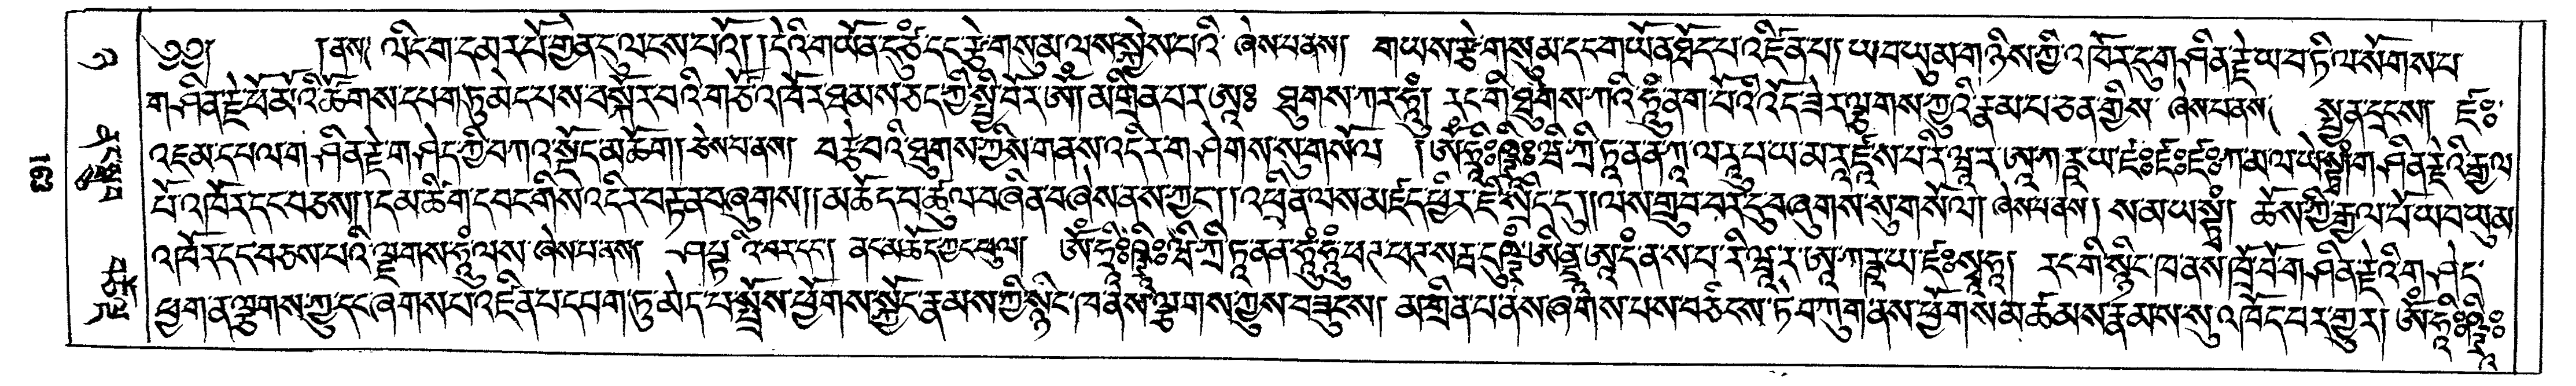༄༅། །ནས༑ ལིང་ག་དམར་པོ་གྱེན་དུ་ལངས་པའོ། །དེའི་གཡོན་དུ་ཙཾ་དང་རྩེ་གསུམ་ལས་སྐྱེས་པའི་ཞེས་པ་ནས། གཡས་རྩེ་གསུམ་དང་གཡོན་ཐོད་པ་འཛིན་པ། ཡབ་ཡུམ་གཉིས་ཀྱི་འཁོར་དུ་གཤིན་རྗེ་ཡ་བ་ཏི་ལ་སོགས་པ་
གཤིན་རྗེ་ཕོ་མོའི་ཚོགས་དཔག་ཏུ་མེད་པས་བསྐོར་བའི་གཙོ་འཁོར་ཐམས་ཅད་ཀྱི་སྤྱི་བོར་ཨོཾ། མགྲིན་པར་ཨཱཿ ཐུགས་ཀར་ཧཱུཾ། རང་གི་ཐུགས་ཀའི་ཧཱུཾ་ནག་པོའི་འོད་ཟེར་ལྕགས་ཀྱུའི་རྣམ་པ་ཅན་གྱིས་ཞེས་པ་ནས༑ སྤྱན་དྲངས། ཛཿ
འཇམ་དཔལ་གཤིན་རྗེ་གཤེད་ཀྱི་བཀའ་སྡོད་མཆོག། ཅེས་པ་ནས། བརྩེ་བའི་ཐུགས་ཀྱིས་གནས་འདིར་གཤེགས་སུ་གསོལ་།ཨོཾ་ཧྲཱིཿ ཥྚིཿ ཝི་ཀྲི་ཏཱ་ནན་ཀཱ་ལ་རཱུ་པ་ཡ་མ་རཱ་ཛཱ་ས་པ་རི་ཝཱ་ར་ཨཱ་ཀ་རྵ་ཡ་ཛཿཛཿཛཿཀམ་ལ་ཡེ་སྟྭཾ། གཤིན་རྗེའི་རྒྱལ་
པོ་འཁོར་དང་བཅས། །དམ་ཚིག་དབང་གིས་འདིར་བརྟན་བཞུགས། །མཆོད་པ་ཚུལ་བཞིན་བཞེས་ནས་ཀྱང་། །འཕྲིན་ལས་མཛད་ཕྱིར་ཛི་སརཾདི་དུ། །ལས་གྲུབ་བར་དུ་བཞུགས་སུ་གསོལ། ཞེས་པ་ནས། ས་མ་ཡ་སྟྭཾ། ཆོས་ཀྱིར་གྱལ་པོ་ཡབ་ཡུམ་
འཁོར་དང་བཅས་པའི་ལྗགས་ཧཱུཾ་ལས་ཞེས་པ་ནས། ཤཔྟའི་བར་དང་། ནང་མཆོད་ཀྱང་ཕུལ། ཨོཾ་ཧྲཱིཿ ཥྚཱིཿ ཝི་ཀྲི་ཏཱ་ན་ན་ཧཱུཾ་ཧཱུཾ་ཕཊ་ཕཊ་སརྦ་དུཥཊའཾ་ཨིནྡྲ་ཨཱ་དི་ན་ས་རི་ཝཱ་ར་ཨཱ་ཀརྵ་ཡ་ཛཿསྭཱཧཱ། རང་གི་ཤིང་ཁ་ནས་ཁྲོ་བོ་གཤིན་རྗེའི་གཤེད་
ཕྱག་ན་ལྕགས་ཀྱུ་དང་ཞགས་པ་འཛིན་པ་དཔག་ཏུ་མེད་པ་སྤྲོས་ཕྱོགས་སྐྱོང་རྣམས་ཀྱི་སྙིང་ཁ་ནས་ལྕགས་ཀྱུས་བཟུངས། མགྲིན་པ་ནས་ཞགས་པས་བཅིངས་ཏེ་བཀུག་ནས་ཕྱོགས་མཚམས་རྣམས་སུ་འཁོད་པར་གྱུར། ཨོཾ་ཧྲཱིཿཥྚཱིཿ